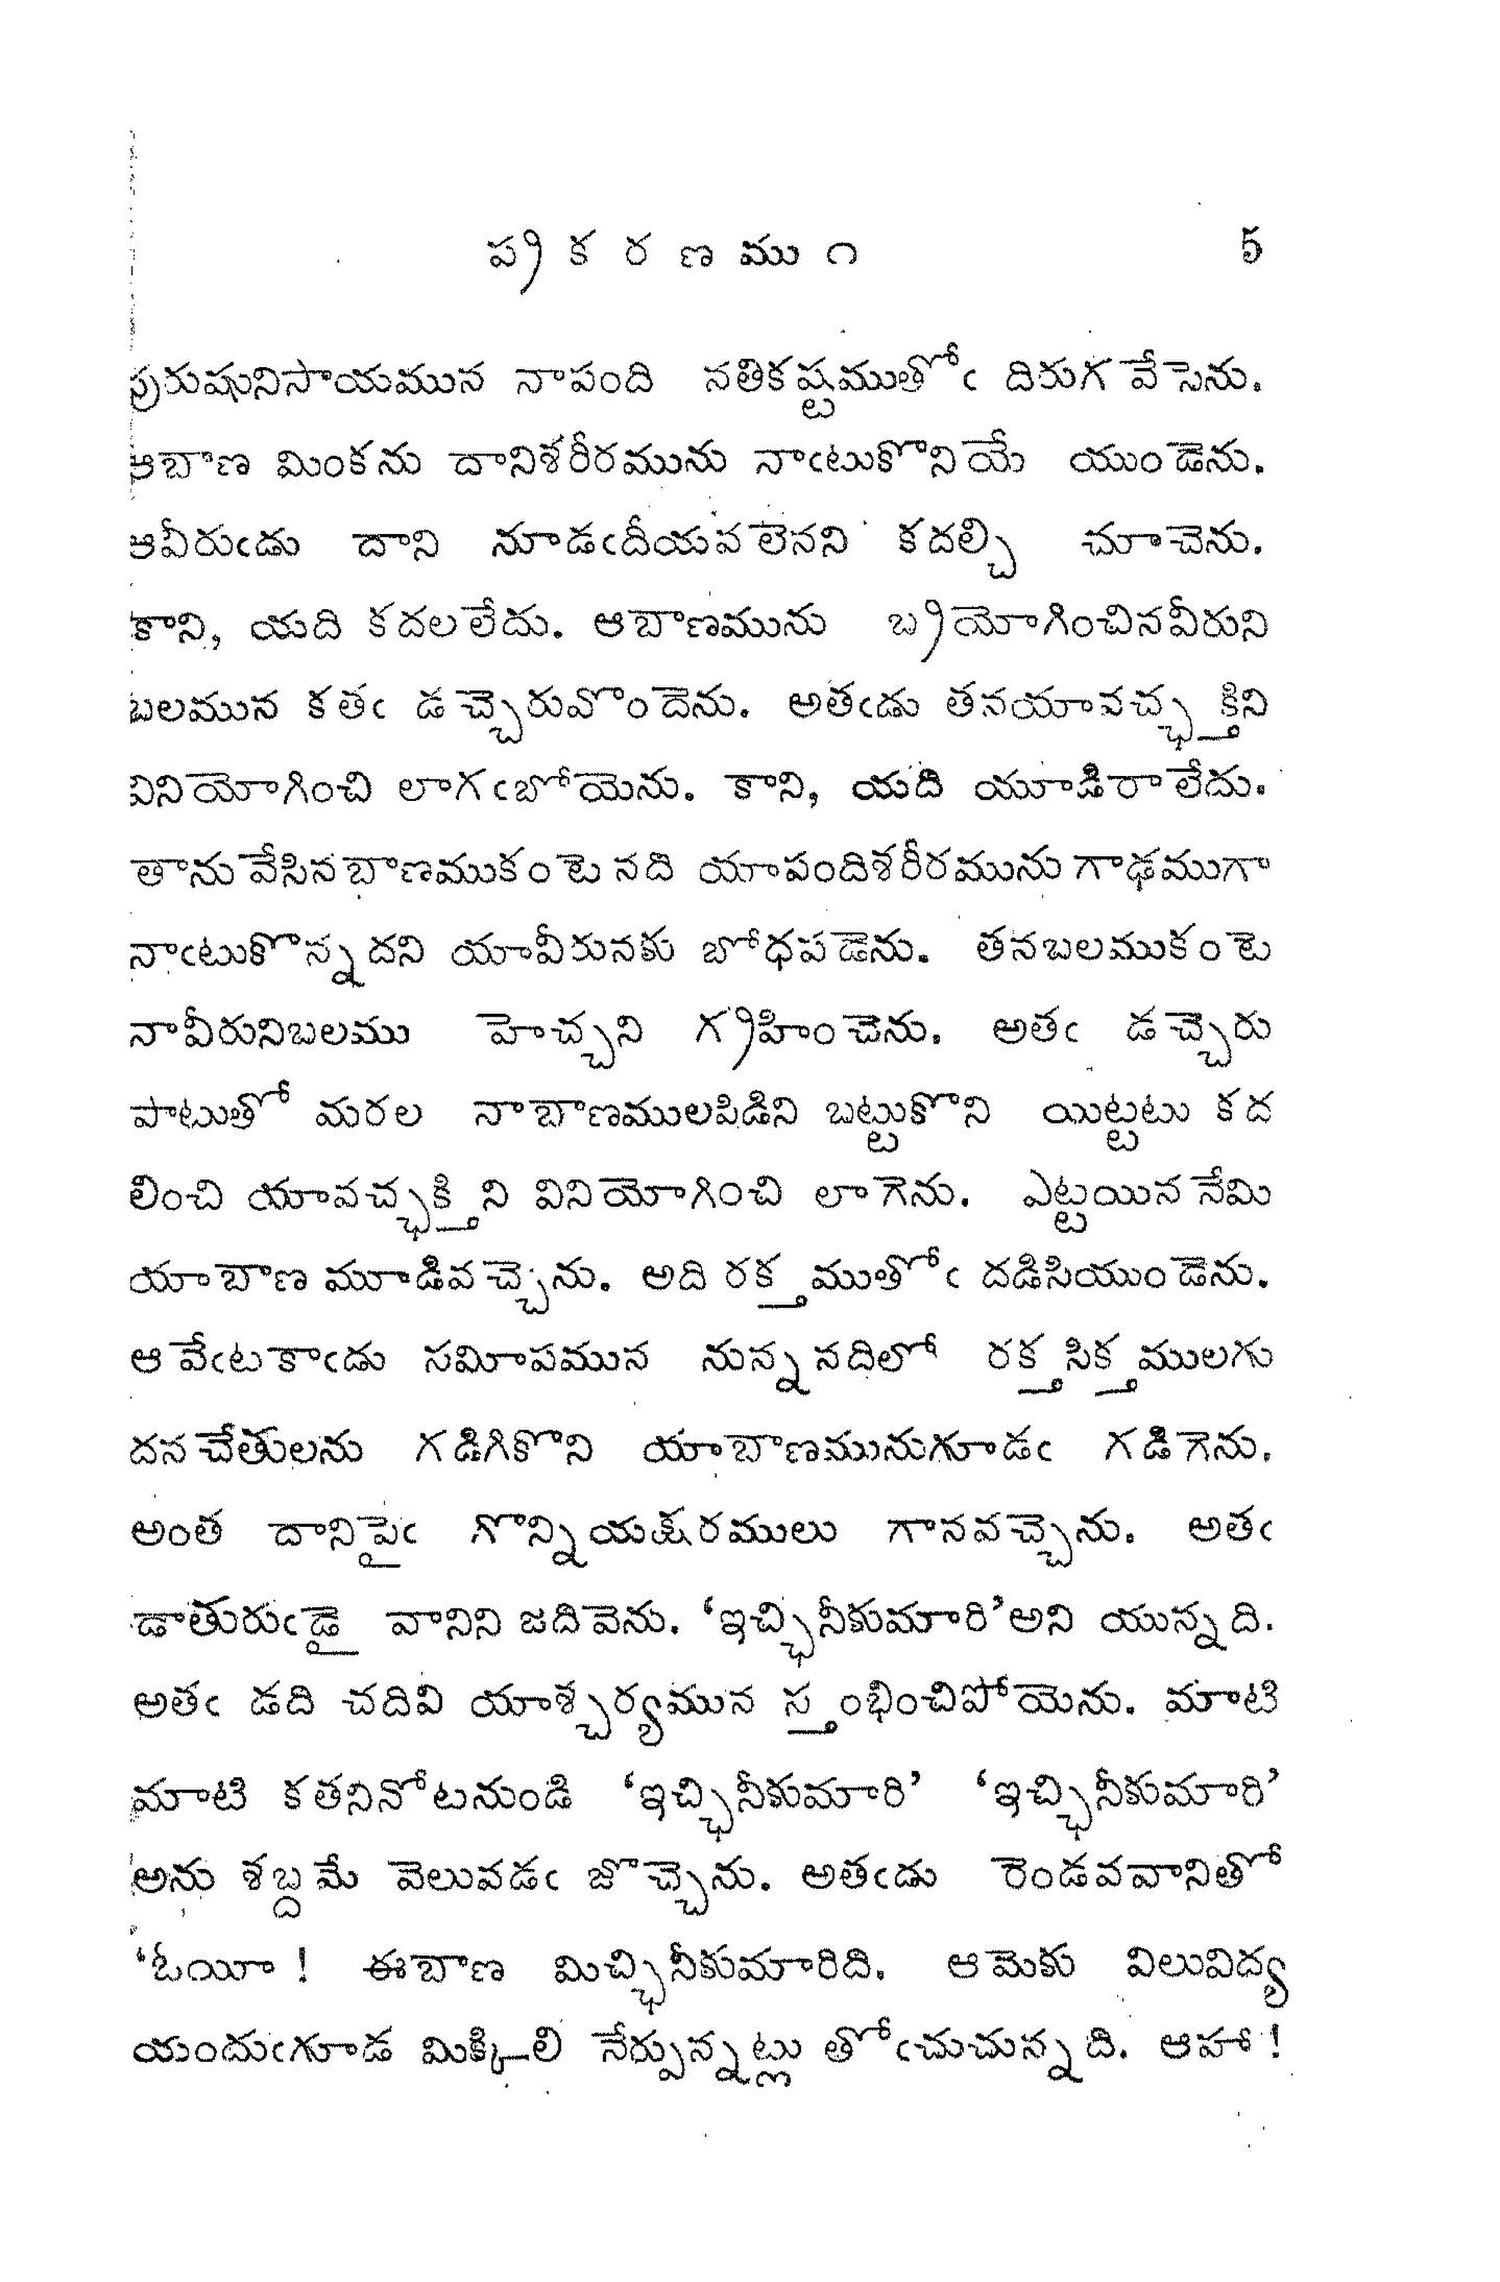పురుషునిసాయమున నాపంది నతికష్టముతోఁ దిరుగవేసెను. బాణ మింకను దానిశరీరమును నాఁటుకొనియే యుండెను. ఆ వీరుఁడు దాని నూడఁదీయవ లెనని కదల్చి చూచెను. కాని, యది కదలలేదు. ఆ బాణమును బ్రయోగించిన వీరుని బలమున కతఁ డ చ్చెరువొందెను. అతఁడు తనయావచ్ఛక్తిని వినియోగించి లాగఁబోయెను. కాని, యది యూడి రాలేదు. తాను వేసిన బాణముకంటె నది యాపందిశరీరమును గాఢముగా నాఁటుకొన్నదని యావీరునకు బోధపడెను. తనబలముకంటె నావీరుని బలము హెచ్చని గ్రహించెను. అతఁ డచ్చెరుపాటుతో మరల నా బాణములపిడిని బట్టుకొని యిట్టటు కదలించి యావచ్ఛక్తిని వినియోగించి లాగెను. ఎట్టయిన నేమి యాబాణ మూడివచ్చెను. అది రక్తముతోఁ దడిసియుండెను. ఆవేఁటకాఁడు సమీపమున నున్ననదిలో రక్తసిక్తములగు దనచేతులను గడిగికొని యాబాణమునుగూడఁ గడిగెను, అంత దానిపైఁ గొన్నియక్షరములు గానవచ్చెను. అతఁ డాతురుఁడై వానిని జదివెను, 'ఇచ్ఛినీకుమారి' అని యున్నది. అతఁ డది చదివి యాశ్చర్యమున స్తంభించిపోయెను. మాటిమాటి కతనినోటనుండి 'ఇచ్చినీకుమారి' 'ఇచ్ఛినీకుమారి' అను శబ్దమే వెలువడఁ జొచ్చెను. అతఁడు రెండవవానితో 'ఓయీ! ఈ బాణ మిచ్ఛినీకుమారిది. ఆమెకు విలువిద్యయందుఁగూడ మిక్కిలి నేర్పున్నట్లు తోఁచుచున్నది. ఆహా!